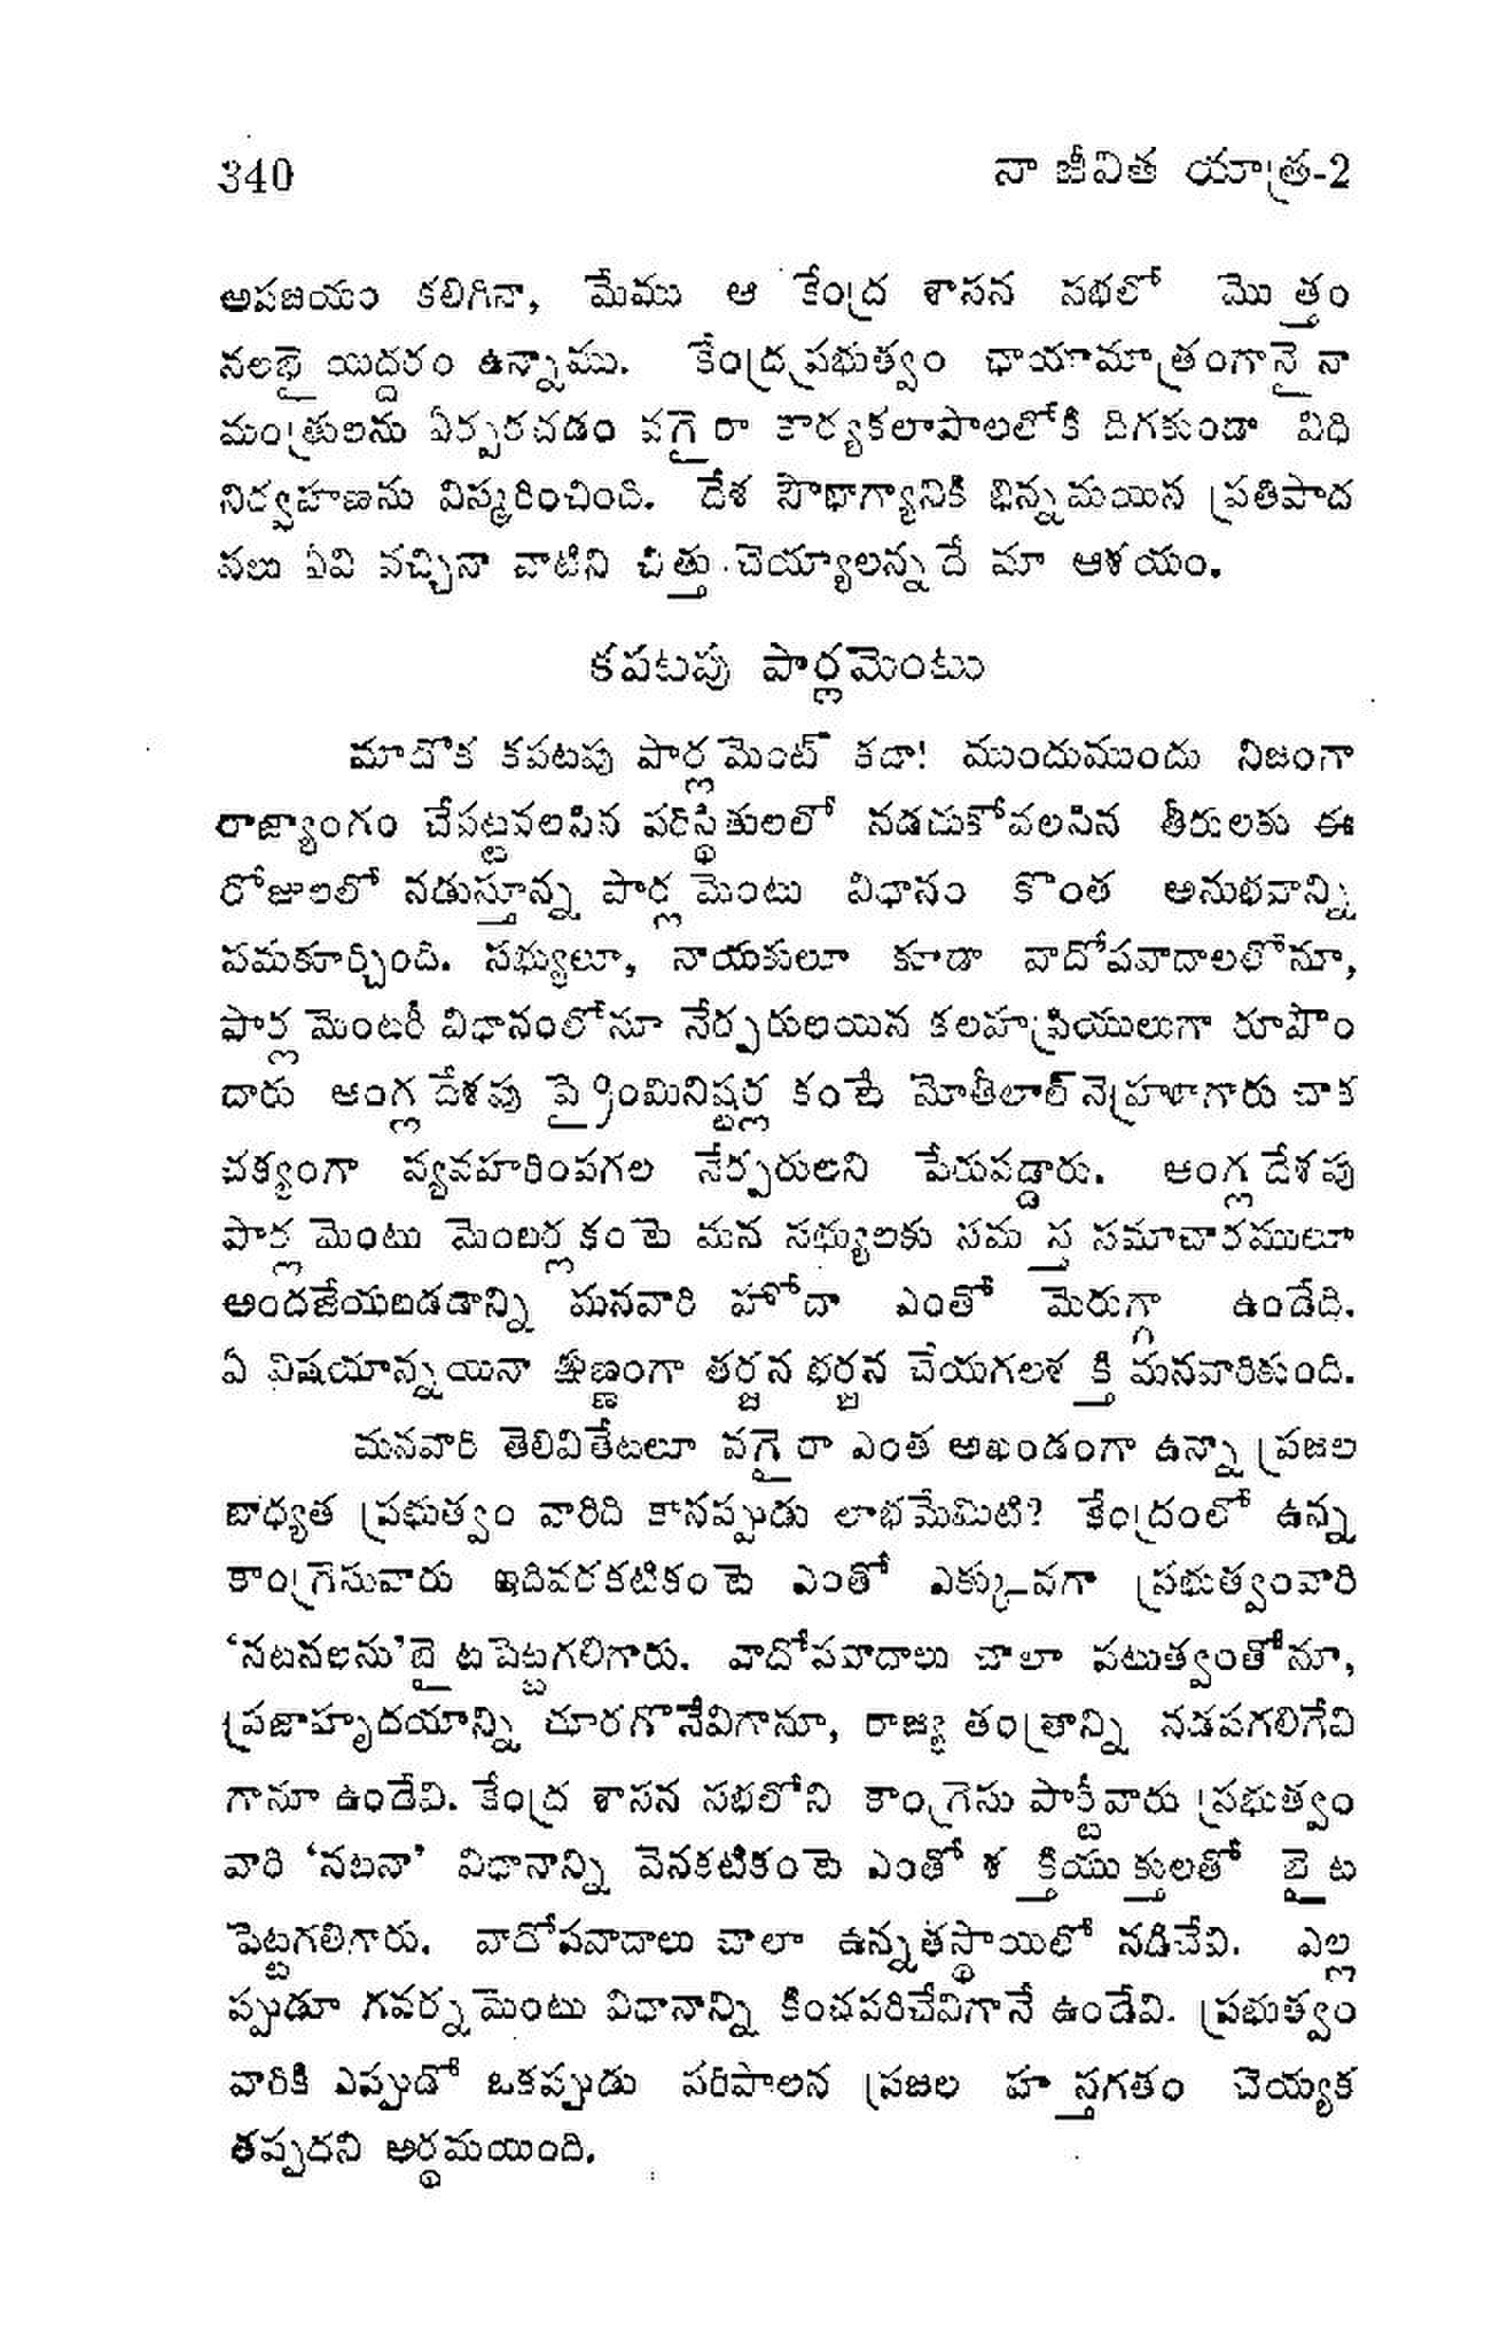అపజయం కలిగినా, మేము ఆ కేంద్ర శాసన సభలో మొత్తం నలభై యిద్దరం ఉన్నాము. కేంద్రప్రభుత్వం ఛాయామాత్రంగానైనా మంత్రులను ఏర్పరచడం వగైరా కార్యకలాపాలలోకి దిగకుండా విధినిర్వహణను విస్మరించింది. దేశ సౌభాగ్యానికి భిన్నమయిన ప్రతిపాదనలు ఏవి వచ్చినా వాటిని చిత్తు చెయ్యాలన్నదే మా ఆశయం.

మాదొక కపటపు పార్లమెంట్ కదా! ముందుముందు నిజంగా రాజ్యాంగం చేపట్టవలసిన పరిస్థితులలో నడచుకోవలసిన తీరులకు ఈ రోజులలో నడుస్తున్న పార్లమెంటు విధానం కొంత అనుభవాన్ని సమకూర్చింది. సభ్యులూ, నాయకులూ కూడా వాదోపవాదాల లోనూ, పార్లమెంటరీ విధానంలోనూ నేర్పరులయిన కలహప్రియులుగా రూపొందారు. ఆంగ్లదేశపు ప్రైంమినిష్టర్ల కంటే మోతిలాల్‌నెహ్రూ గారు చాకచక్యంగా వ్యవహరింపగల నేర్పరులని పేరుబడ్డారు. ఆంగ్లదేశపు పార్లమెంటు మెంబర్లకంటె మన సభ్యులకు సమస్త సమాచారములూ అందజేయబడడాన్ని మనవారి హోదా ఎంతో మెరుగ్గా ఉండేది. ఏ విషయయినా క్షుణ్ణంగా తర్జన భర్జన చేయగలశక్తి మనవారికుంది.

మనవారి తెలివితేటలూ వగైరా ఎంత అఖండంగా ఉన్నా ప్రజల బాధ్యత ప్రభుత్వం వారిది కానప్పుడు లాభమేమిటి? కేంద్రంలో ఉన్న కాంగ్రెసువారు ఇదివరకంటె ఎంతో ఎక్కువగా ప్రభుత్వంవారి "నటనలను" బైటపెట్టగలిగారు. వాదోపవాదాలు చాలా పటుత్వంతోనూ, ప్రజాహృదయాన్ని చూరాగొనేవిగానూ, రాజ్య తంత్రాన్ని నడపగలిగేవిగానూ ఉండేవి. కేంద్ర శాసన సభలోని కాంగ్రెసు పార్టీవారు ప్రభుత్వంవారి "నటనా" విధానాన్ని వెనకటికంటె ఎంతో శక్తియుక్తులతో బైటపెట్టగలిగారు. వాదోపవాదాలు చాలా ఉన్నతస్థాయిలో నడిచేవి. ఎల్లప్పుడూ గవర్నమెంటు విధానాన్ని కించపరిచేవిగానే ఉండేవి. ప్రభుత్వం వారికి ఎప్పుడో ఒకప్పుడు పరిపాలన ప్రజల హస్తగతం చెయ్యకతప్పదని అర్థమయింది.